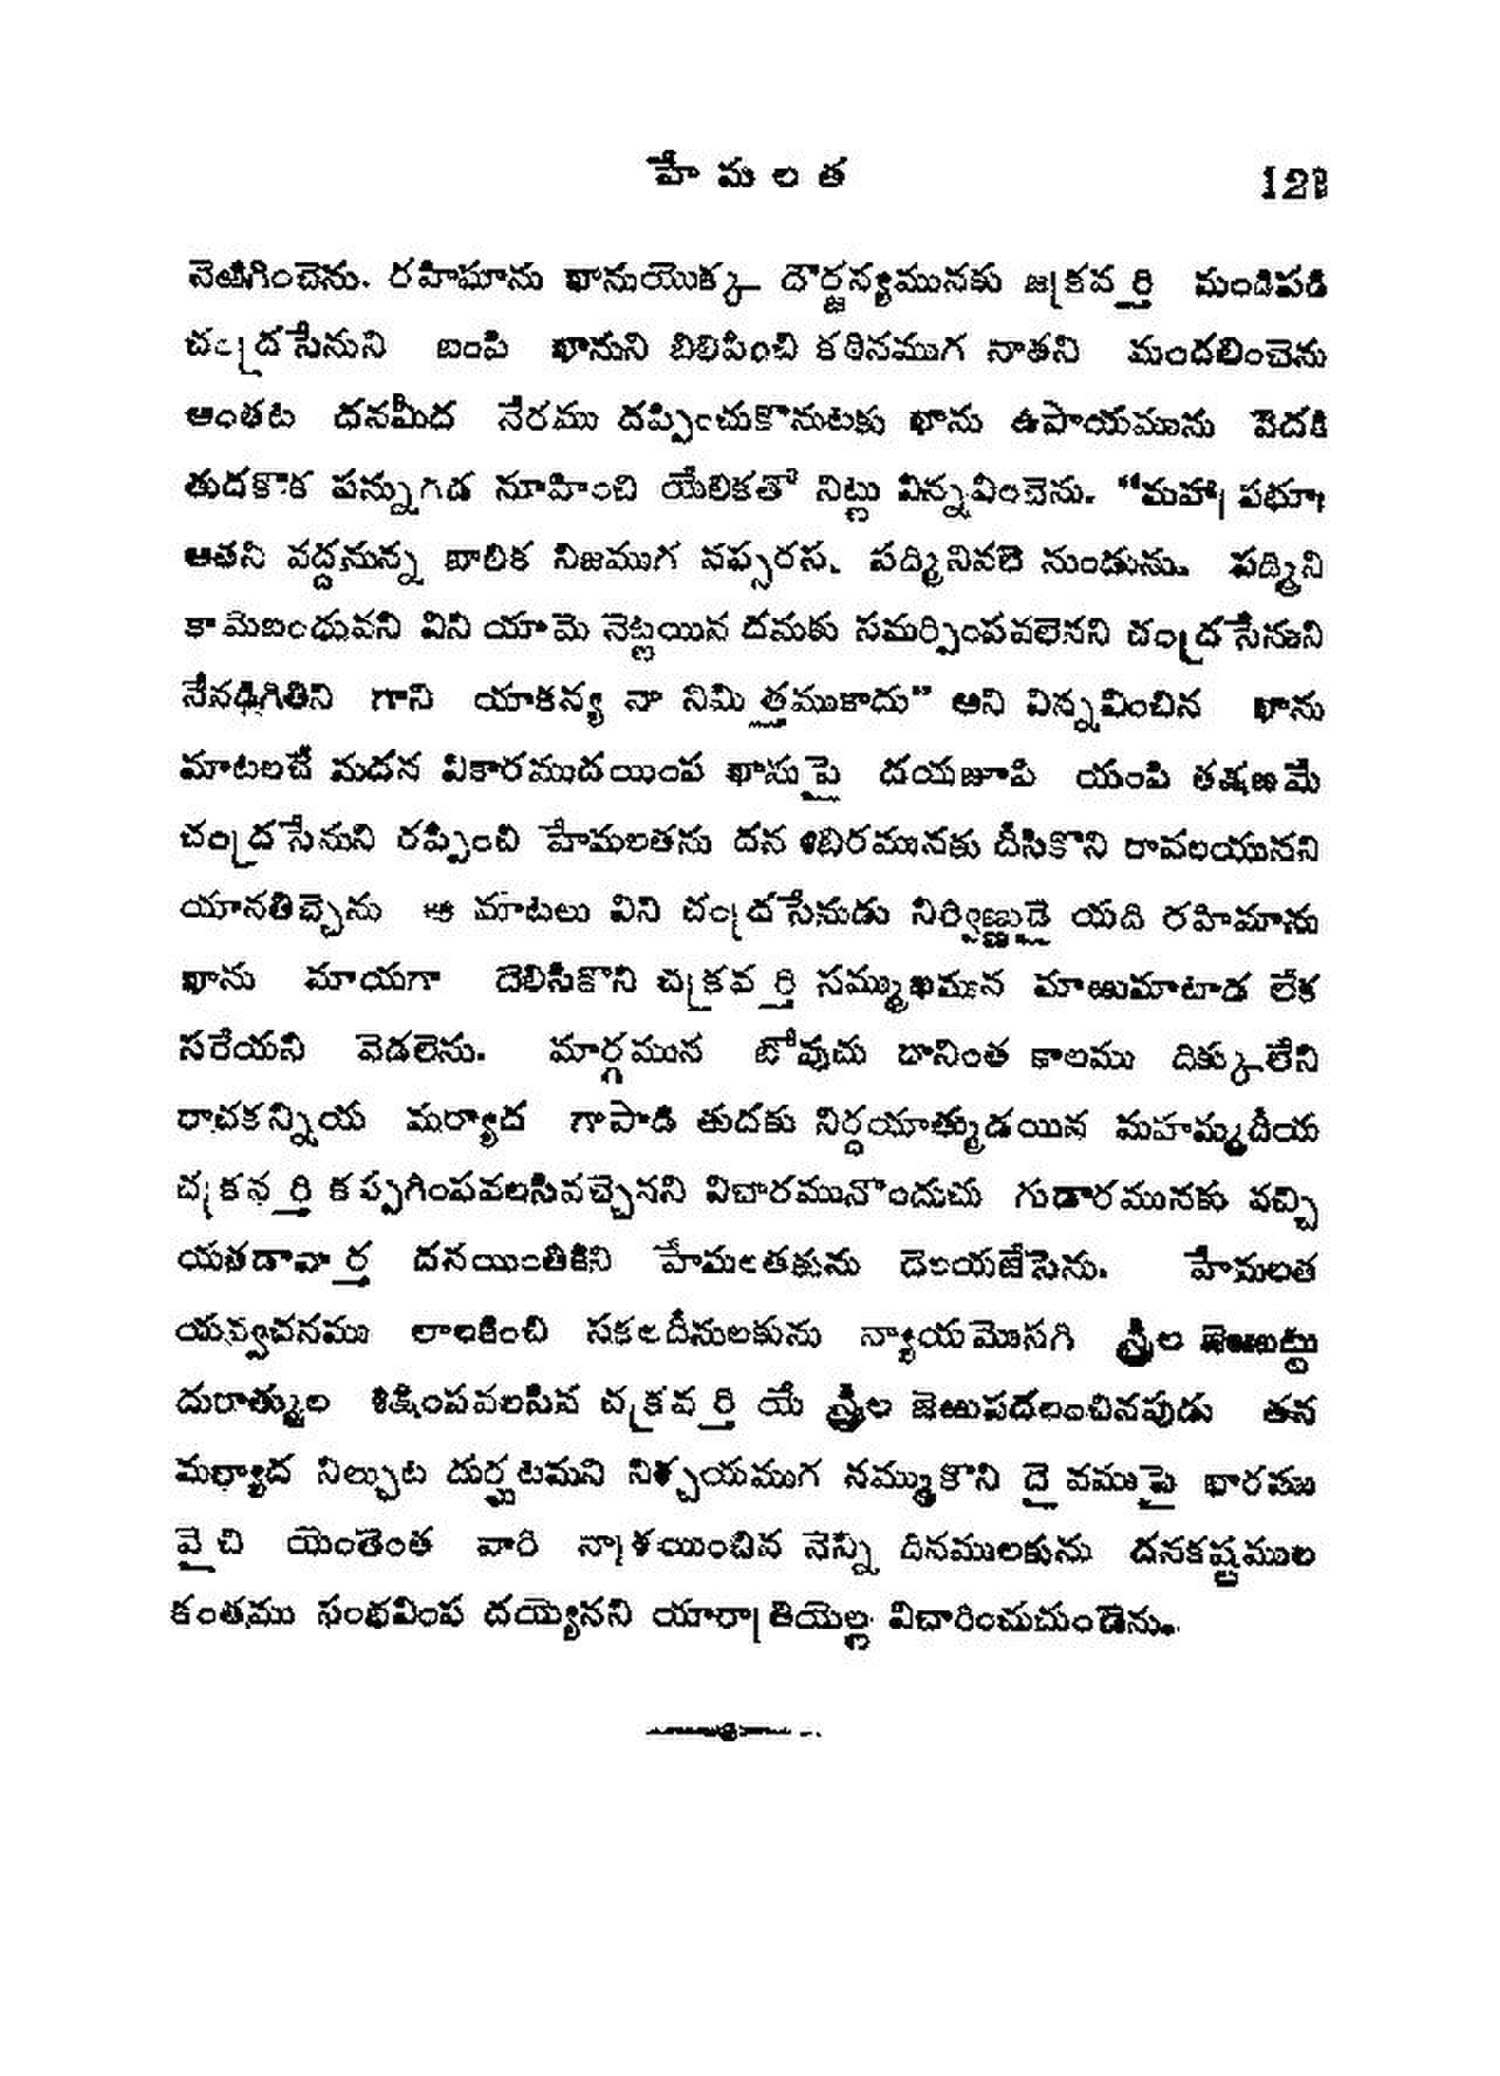నెఱిగించెను. రహిమాను ఖానుయొక్క దౌర్జన్యమునకు జక్రవర్తి మండిపడి చంద్రసేనుని బంపి ఖానుని బిలిపించి కఠినముగ నాతని మందలించెను. అంతట దనమీద నేరము దప్పించుకొనుటకు ఖాను ఉపాయమును వెదకి తుదక పన్నుగడ నూహించి యేలికతో నిట్లు విన్నవించెను. “మహాప్రభూ! అతని వద్దనున్న బాలిక నిజముగ నప్సరస, పద్మినివలె నుండును. పద్మిని కామె బంధువని విని యామె నెట్లయిన దమకు సమర్పింపవలెనని చంద్రసేనుని నేనడిగితిని గాని యాకన్య నా నిమిత్తముకాదు” అని విన్నవించిన ఖాను మాటలచే మదన వికారముదయింప ఖానుపై దయజూపి యంపి తక్షణమే చంద్రసేనుని రప్పించి హేమలతను దన శిబిరమునకు దీసికొని రావలయునని యానతిచ్చెను. ఆ మాటలు విని చంద్రసేనుడు నిర్విణ్ణుడై యది రహిమానుఖాను మాయగా దెలిసికొని చక్రవర్తి సమ్ముఖమున మాఱుమాటాడ లేక సరేయని వెడలెను. మార్గమున బోవుచు దానింత కాలము దిక్కులేని రాచకన్నియ మర్యాద గాపాడి తుదకు నిర్దయాత్ముడయిన మహమ్మదీయ చక్రవర్తి కప్పగింపవలసివచ్చెనని విచారమునొందుచు గుడారమునకు వచ్చి యతడావార్త దనయింతికిని హేమలతకును దెలయజేసెను. హేమలత యవ్వచనము లాలకించి సకల దీనులకును న్యాయమొసగి స్త్రీల జెఱబట్టు దురాత్ముల శిక్షింపవలసిన చక్రవర్తియే స్త్రీల జెఱపదలంచినపుడు తన మర్యాద నిల్చుట దుర్ఘటమని నిశ్చయముగ నమ్ముకొని దైవముపై భారము వైచి యెంతెంత వారి నాశ్రయించిన నెన్ని దినములకును దనకష్టముల కంతము సంభవింప దయ్యెనని యారాత్రియెల్ల విచారించుచుండెను.